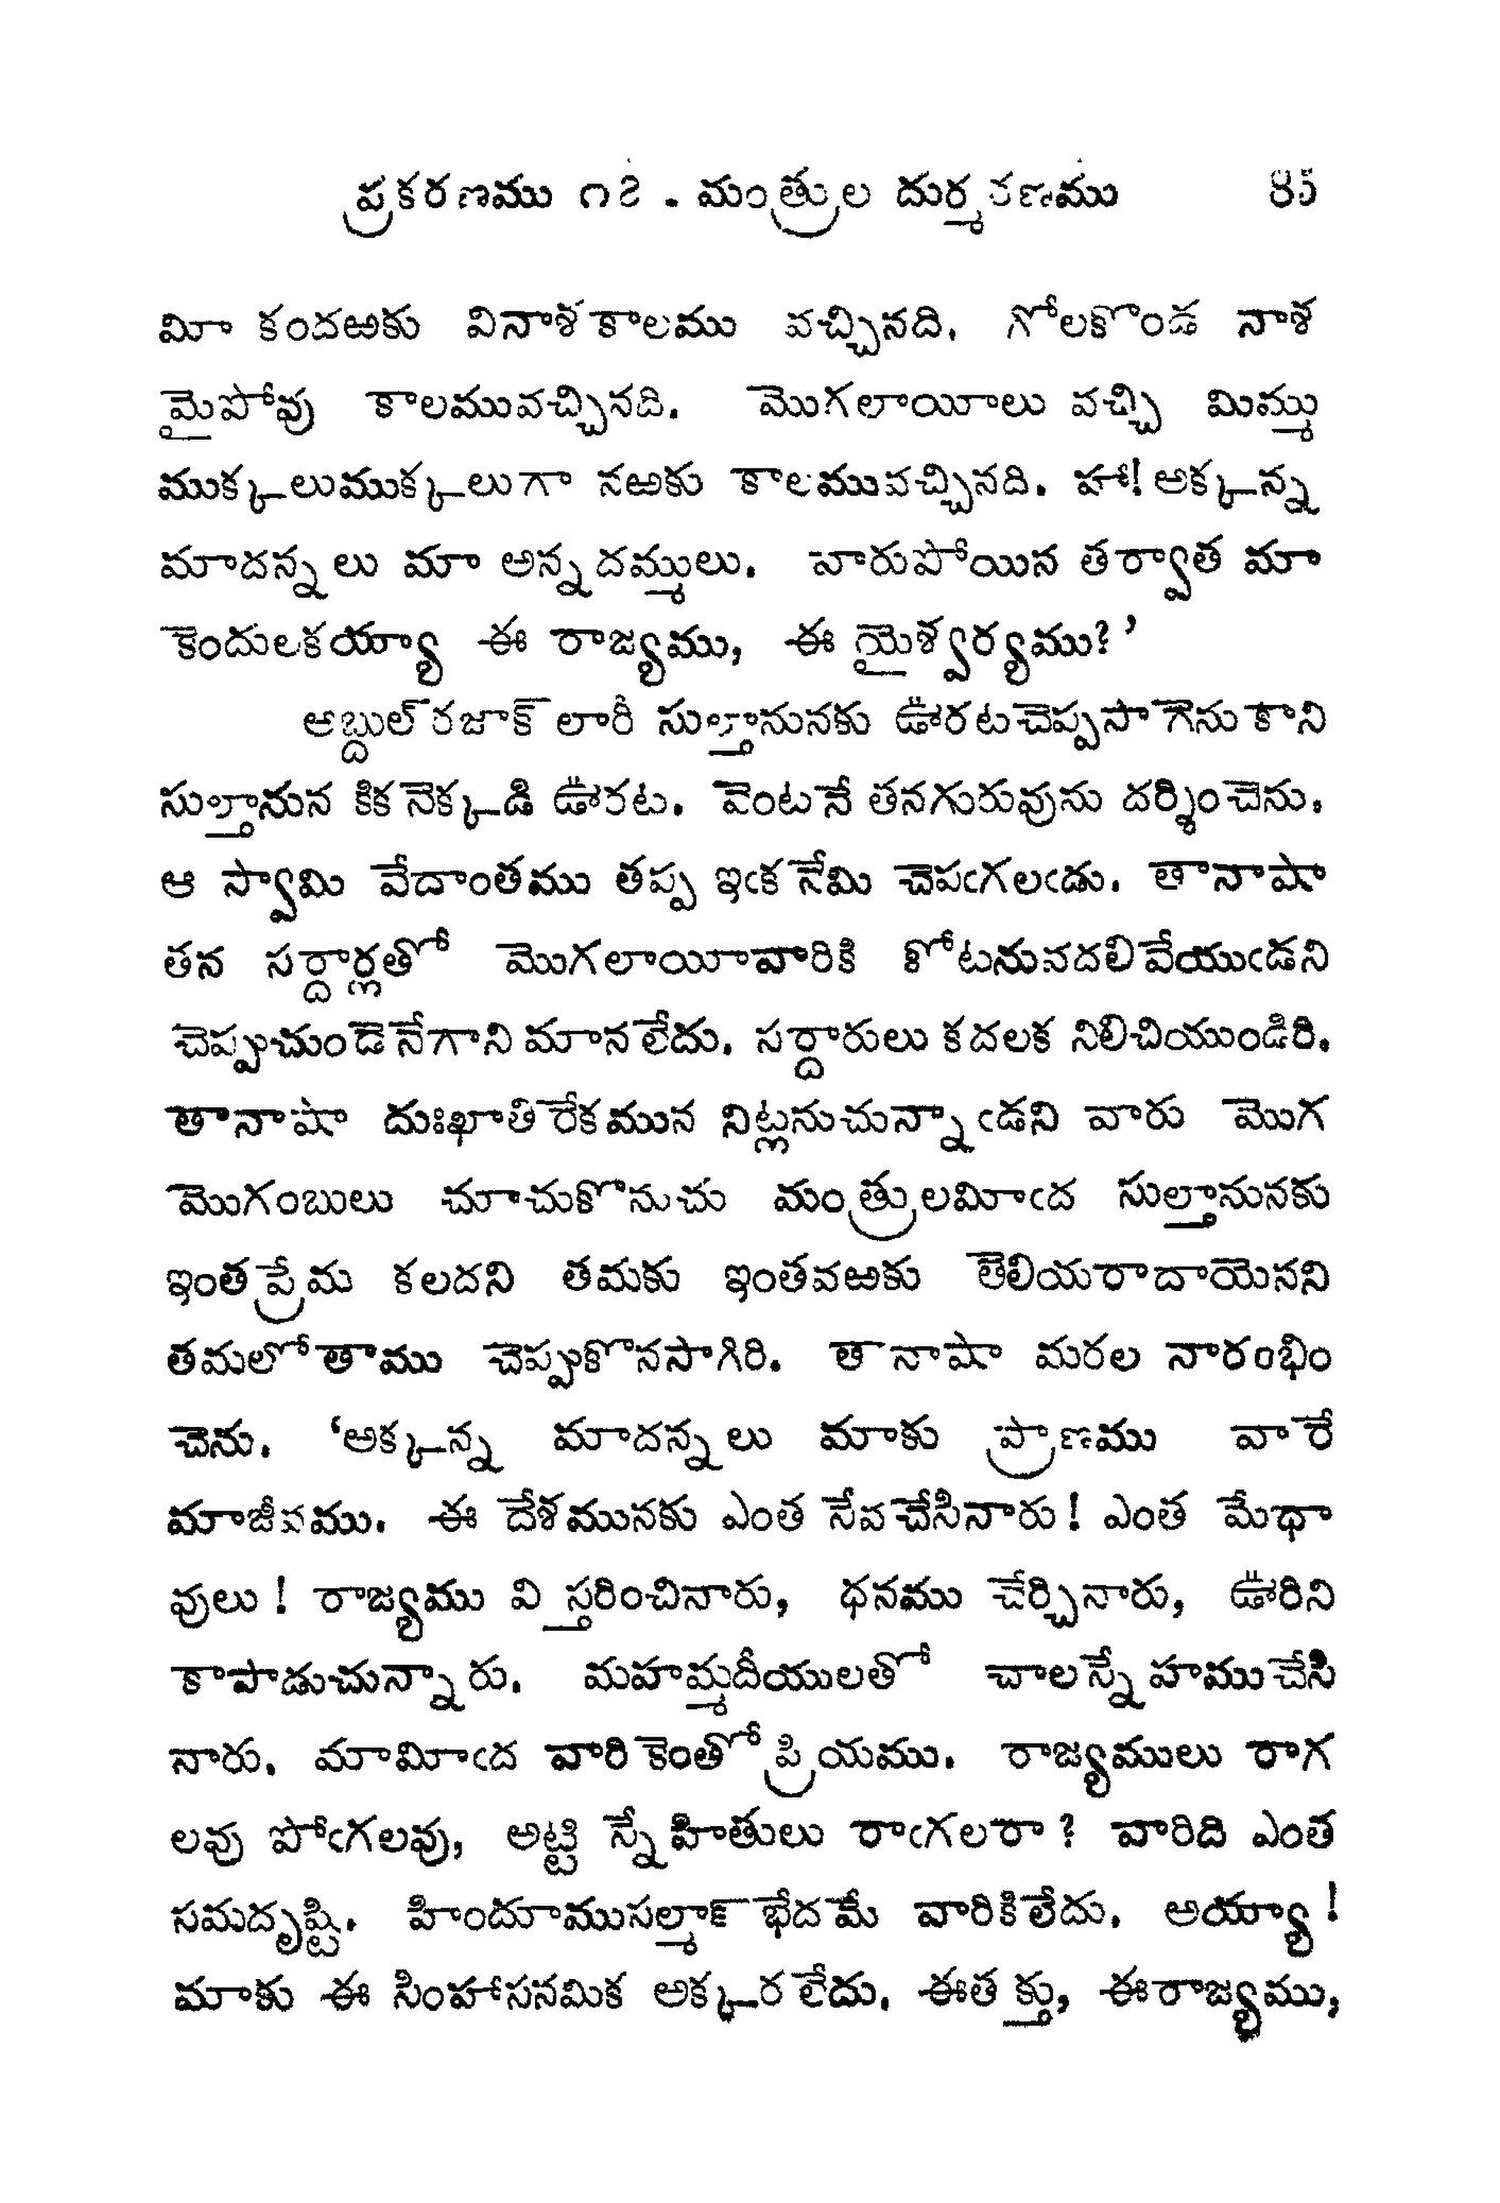మీ కందఱకు వినాశకాలము వచ్చినది. గోలకొండ నాశనమైపోవు కాలమువచ్చినది. మొగలాయీలు వచ్చి మిమ్ము ముక్కలుముక్కలుగా నఱకు కాలమువచ్చినది. హా! అక్కన్న మాదన్నలు మా అన్నదమ్ములు. వారుపోయిన తర్వాత మా కెందులకయ్యా ఈ రాజ్యము, ఈ యైశ్వర్యము?’

అబ్దుల్‌రజాక్ లారీ సుల్తానునకు ఊరటచెప్పసాగెనుకాని సుల్తానున కికనెక్కడి ఊరట. వెంటనే తనగురువును దర్శించెను. ఆ స్వామి వేదాంతము తప్ప ఇఁకనేమి చెపఁగలఁడు. తానాషా తన సర్దార్లతో మొగలాయీవారికి కోటనువదలివేయుఁడని చెప్పుచుండెనేగాని మానలేదు. సర్దారులు కదలక నిలిచియుండిరి. తానాషా దుఃఖాతిరేకమున నిట్లనుచున్నాఁడని వారు మొగ మొగంబులు చూచుకొనుచు మంత్రులమీఁద సుల్తానునకు ఇంతప్రేమ కలదని తమకు ఇంతవఱకు తెలియరాదాయెనని తమలోతాము చెప్పుకొనసాగిరి. తానాషా మరల నారంభించెను. ‘అక్కన్న మాదన్నలు మాకు ప్రాణము వారే మాజీవము. ఈ దేశమునకు ఎంత సేవచేసినారు! ఎంత మేధావులు! రాజ్యము విస్తరించినారు, ధనము చేర్చినారు, ఊరిని కాపాడుచున్నారు, మహమ్మదీయులతో చాలస్నేహముచేసినారు. మామీఁద వారికెంతోప్రియము. రాజ్యములు రాగలవు పోఁగలవు, అట్టి స్నేహితులు రాఁగలరా? వారిది ఎంత సమదృష్టి. హిందూముసల్మాౝభేదమే వారికిలేదు. అయ్యా! మాకు ఈ సింహాసనమిక అక్కరలేదు. ఈతక్తు, ఈరాజ్యము,